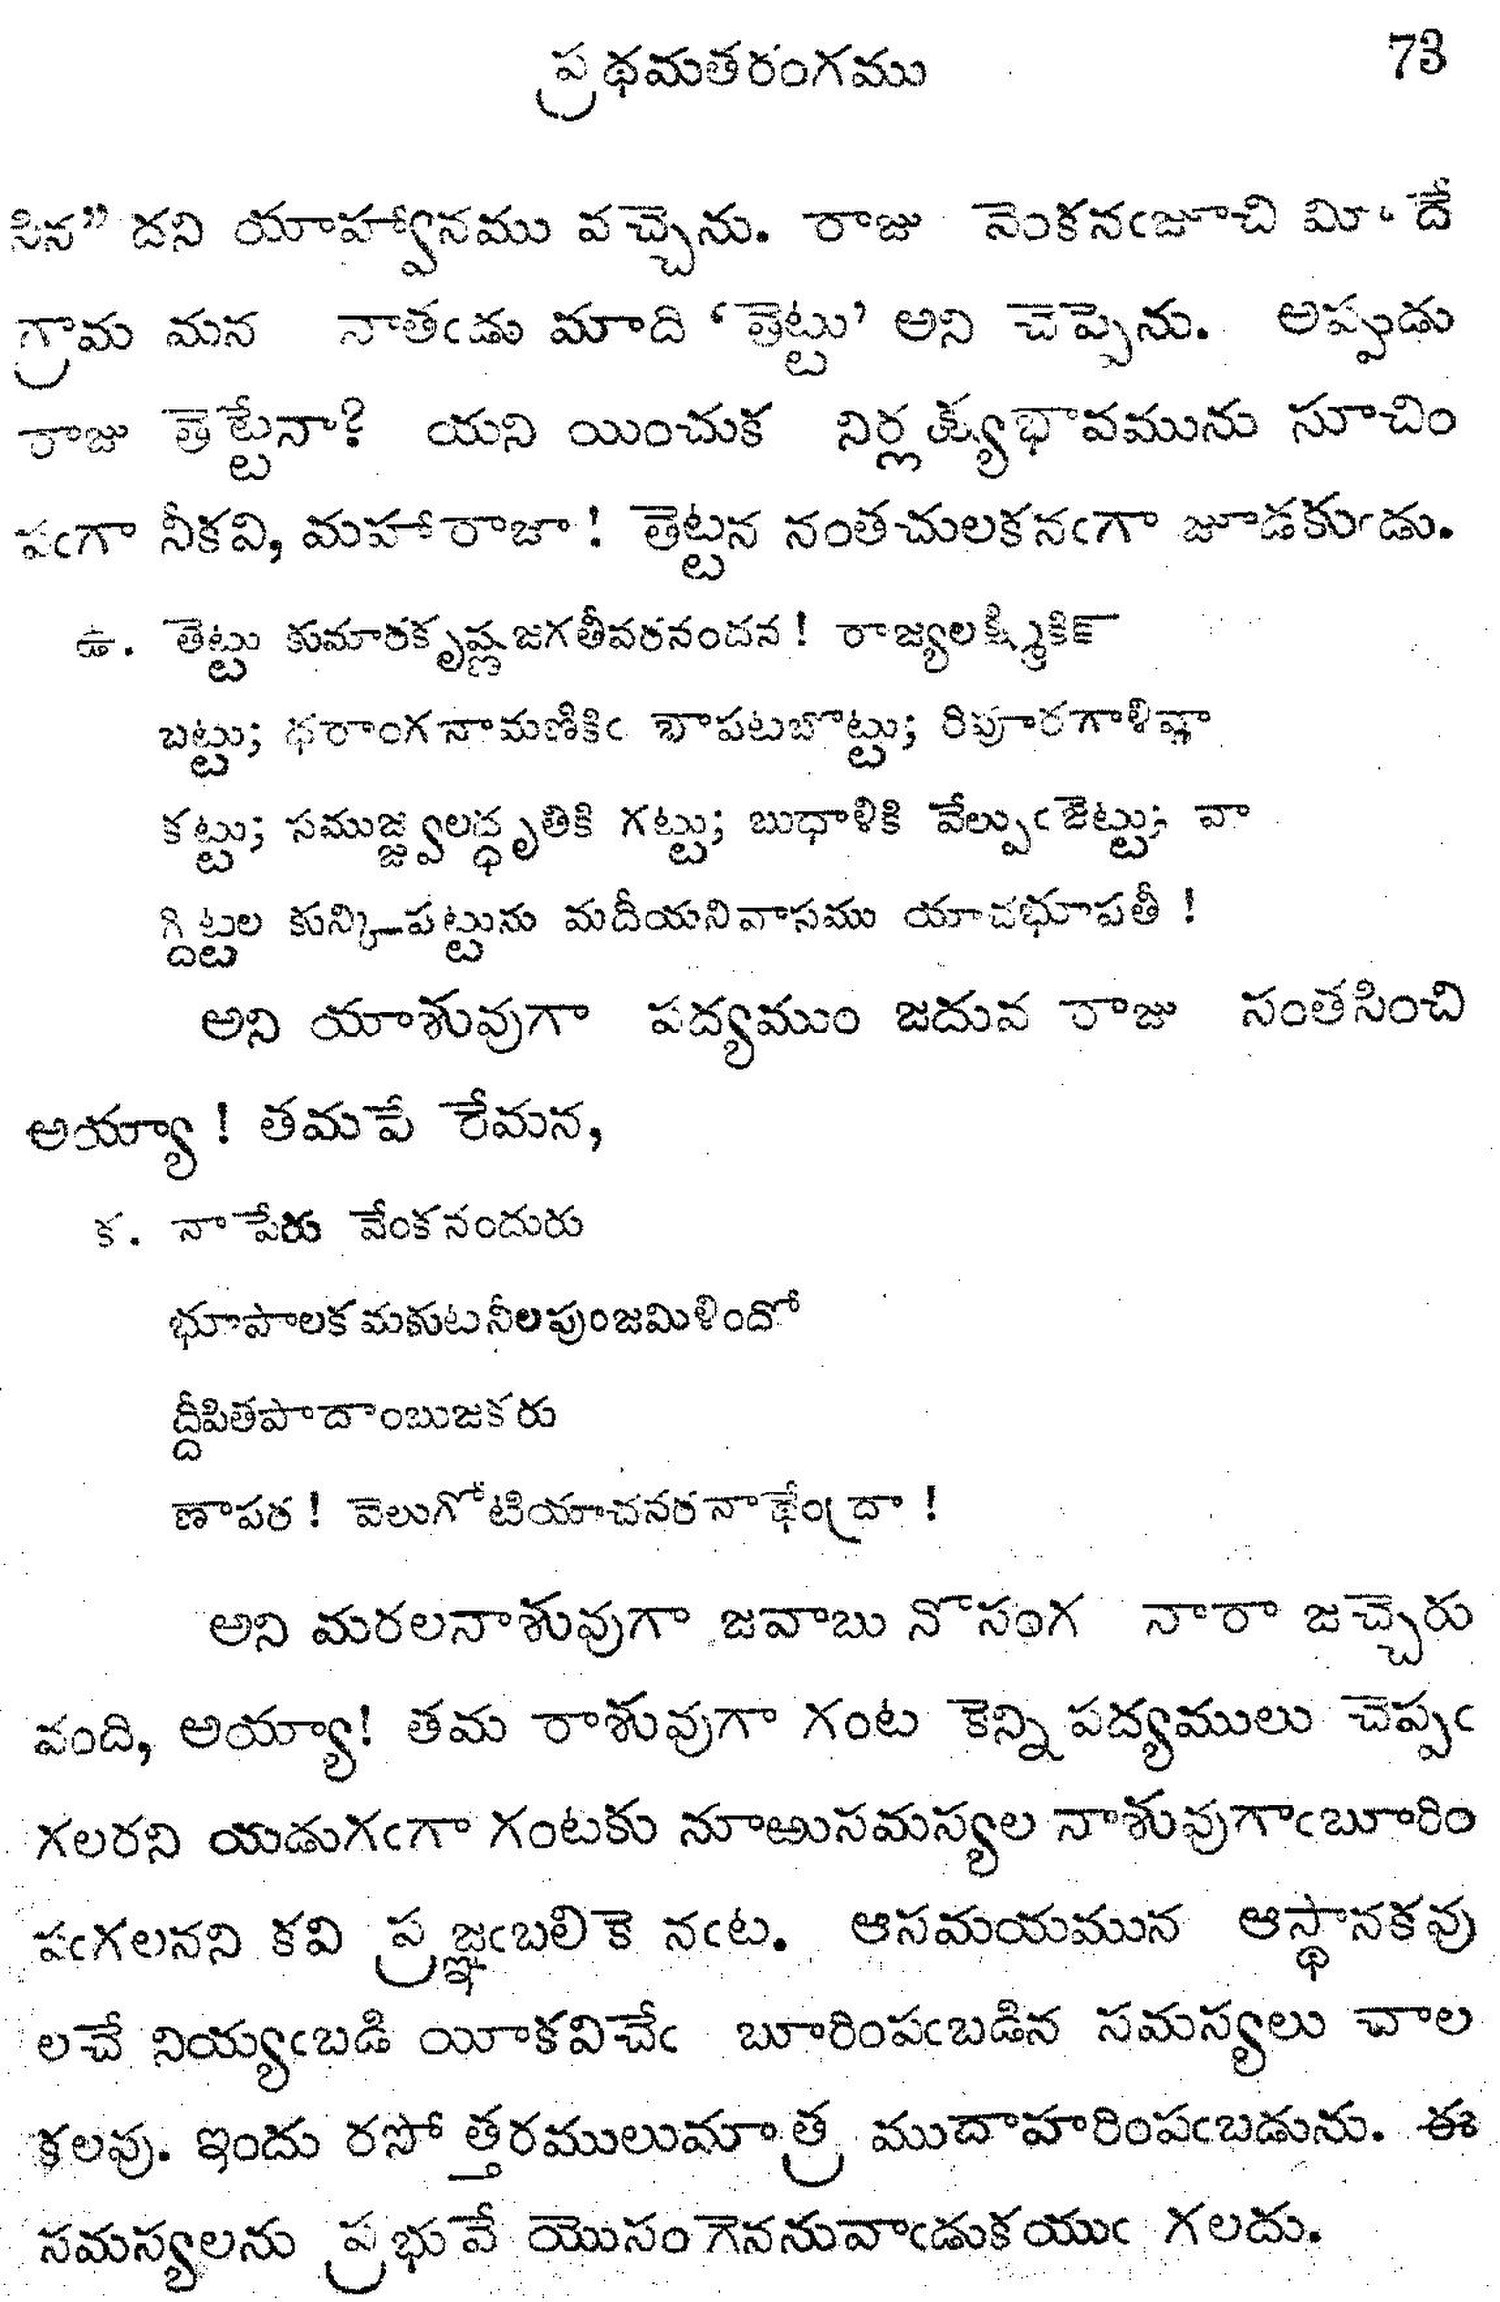సిన” దని యాహ్వానము వచ్చెను. రాజు వెంకనఁ జూచి మీదేగ్రామ మన నాతఁడు మాది ‘తెట్టు’ అని చెప్పెను. అప్పుడు రాజు తెట్టేనా? యని యించుక నిర్లక్ష్యభావమును సూచింపఁగా నీకవి, మహారాజా! తెట్టన నంతచులకనఁగా జూడకుఁడు

ఉ. తెట్టు కుమారకృష్ణజగతీవరవందన! రాజ్యలక్ష్మికిన్
 బట్టు; ధరాంగనామణికిఁ బాపటబొట్టు; రిపూరగాళివా
 కట్టు; సముజ్జ్వలద్ధృతికి గట్టు; బుధాళికి వేల్పుఁజెట్టు; వా
 గ్దిట్టల కున్కిపట్టును మదీయనివాసము యాచభూపతీ!

అని యాశువుగా పద్యముం జదువ రాజు సంతసించి అయ్యా! తమపే రేమన,

క. నాపేరు వేంకనందురు
 భూపాలకమకుటనీలపుంజమిళిందో
 ద్దీపితపాదాంబుజకరు
 ణాపర! వెలుగోటియాచనరనాథేంద్రా!

అని మరల నాశువుగా జవాబు నొసంగ నారా జచ్చెరువంది, అయ్యా! తమ రాశువుగా గంట కెన్ని పద్యములు చెప్పఁగలరని యడుగఁగా గంటకు నూఱుసమస్యల నాశువుగాఁ బూరింపఁగలనని కవి ప్రజ్ఞఁ బలికెనఁట. ఆసమయమున ఆస్థానకవులచే నియ్యఁబడి యీకవిచేఁ బూరిపఁబడిన సమస్యలు చాల కలవు. ఇందు రసోత్తరములుమాత్ర ముదాహరింపఁబడును. ఈసమస్యలను ప్రభువే యొసంగెననువాఁడుకయుఁ గలదు.